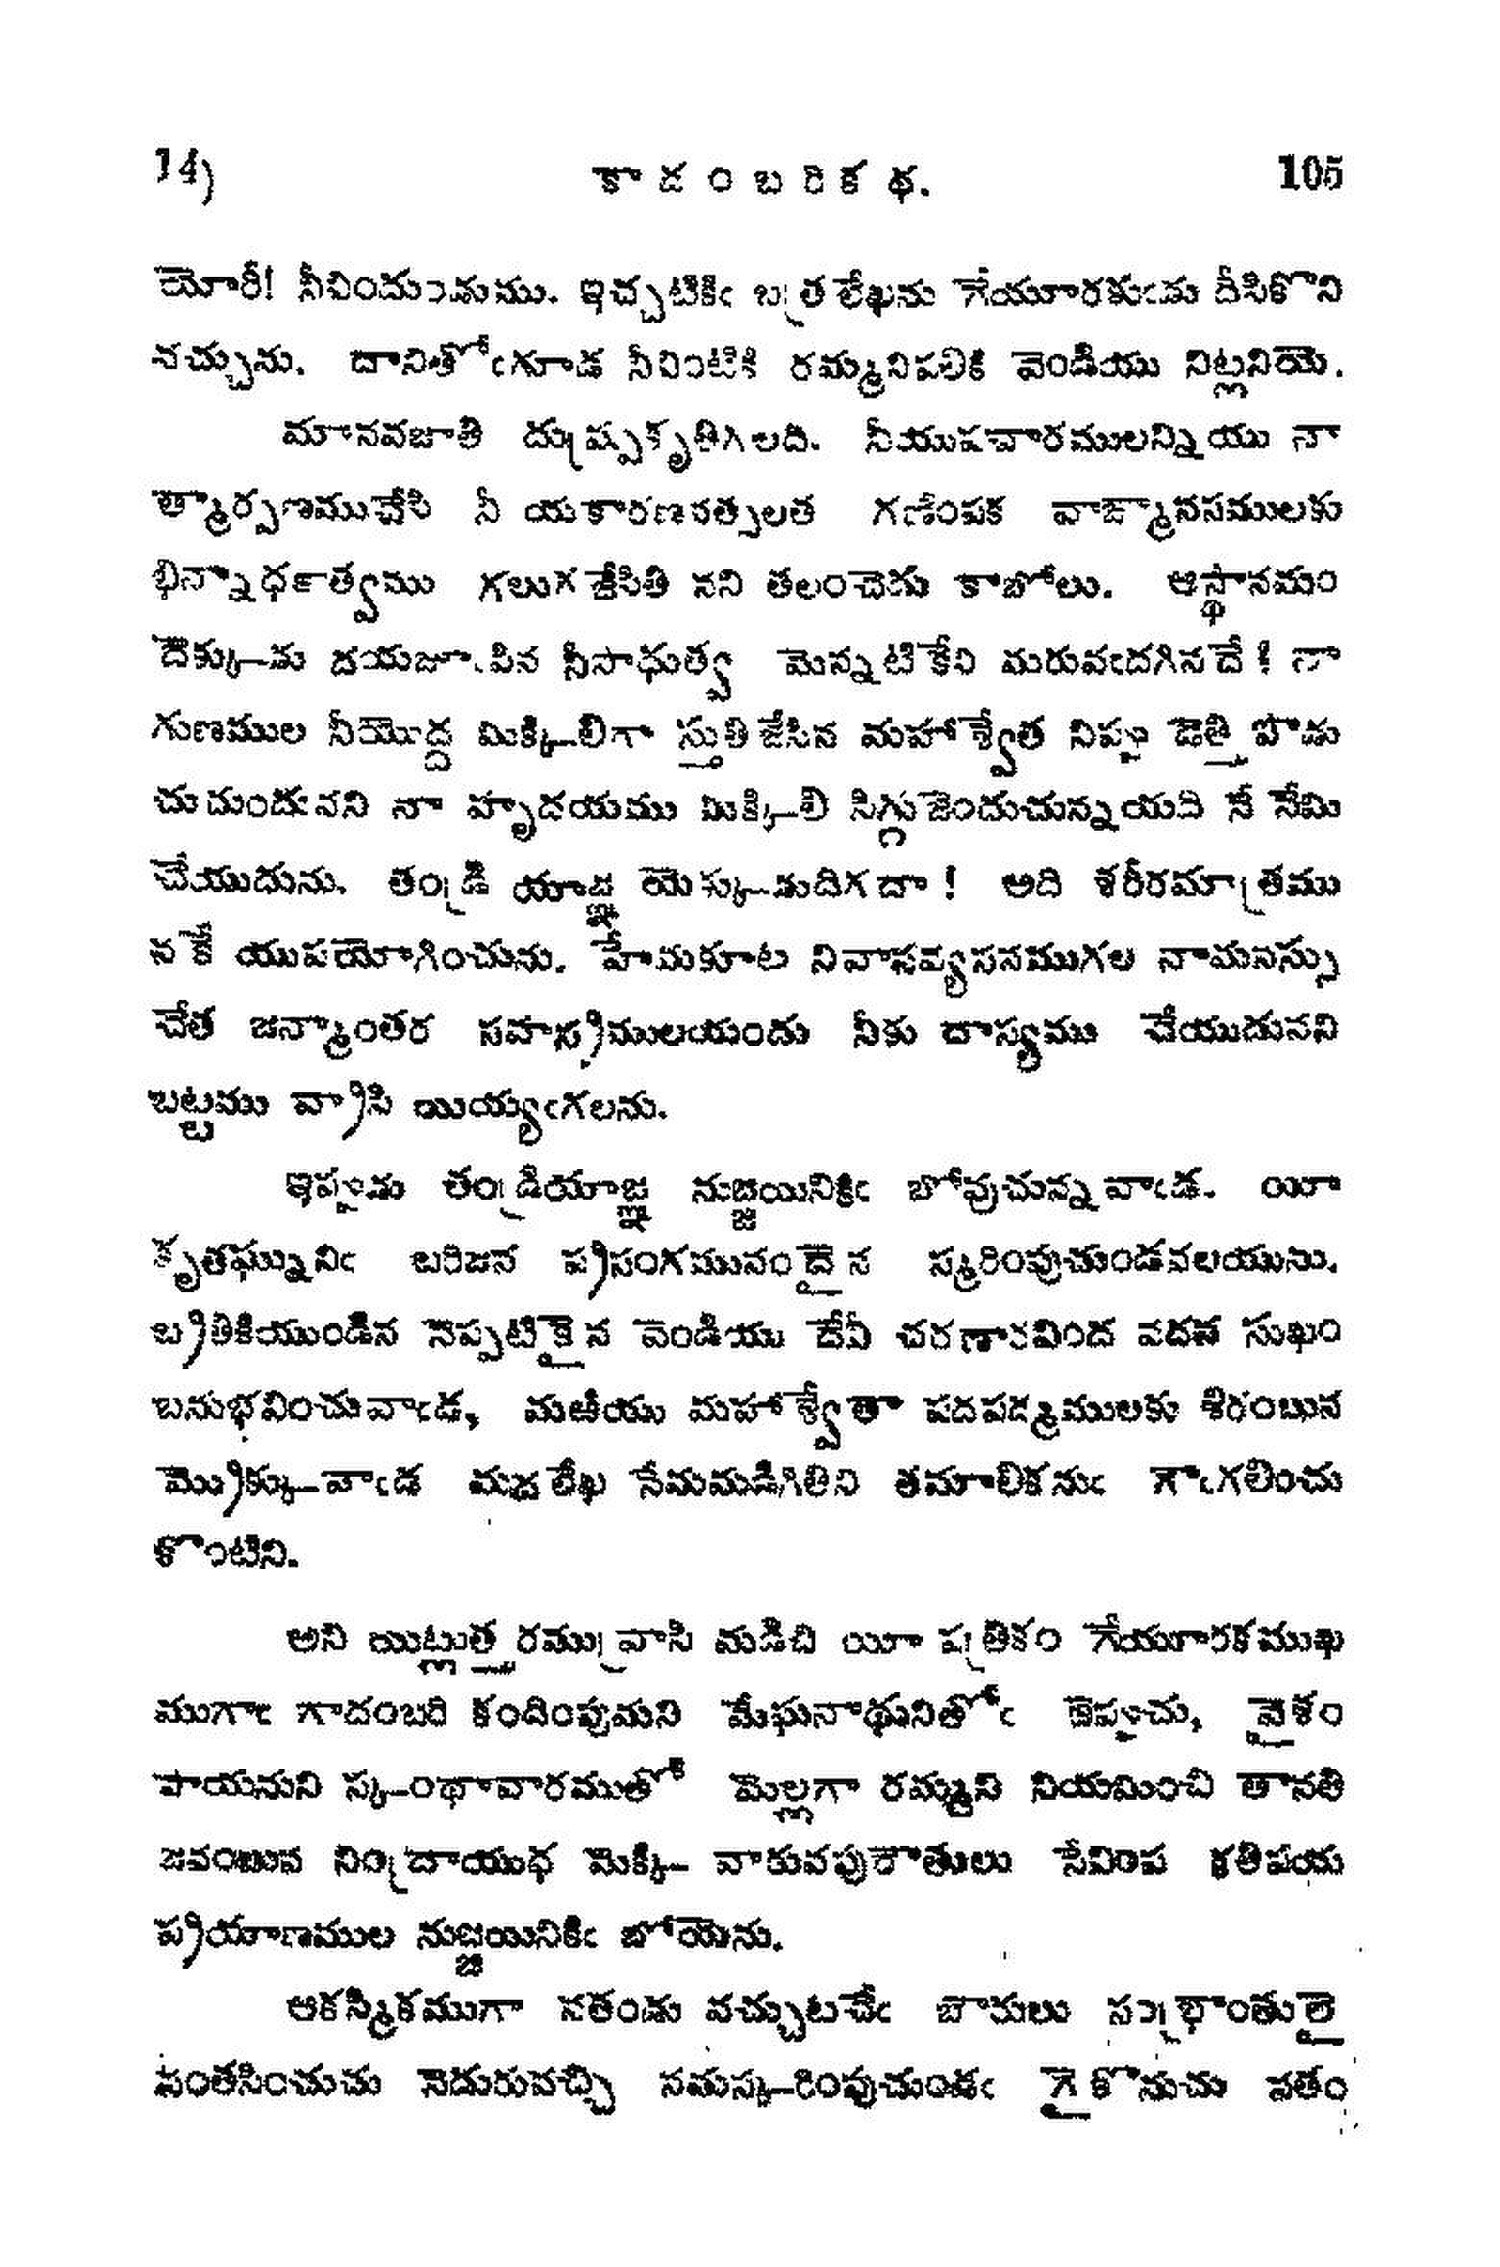యోరీ! నీవిందుండుము. ఇచ్చటికిఁ బత్రలేఖను గేయూరకుఁడు దీసికొని వచ్చును. దానితోఁగూడ నీవింటికి రమ్మనిపలికి వెండియు నిట్లనియె.

మానవజాతి దుష్ప్రకృతిగలది. నీయుపచారములన్నియు నాత్మార్పణముచేసి నీ యకారణసత్పలత గణింపక వాజ్మౌనసములకు భిన్నాధ౯త్వము గలుగజేసితి నని తలంచెదు కాబోలు. ఆస్థానమం దెక్కుడు దయఁజూపిన నీసాధుత్వ మెన్నటికేని మరువఁదగినదే? నా గుణముల నీయొద్ద మిక్కిలిగా స్తుతిజేసిన మహాశ్వేత నిప్పు డెత్తిపొడుచు చుందువని నా హృదయము మిక్కిలి సిగ్గుజెందుచున్నయది నే నేమి చేయుదును. తండ్రి యాజ్ఞ యెక్కుడుదిగదా! అది శరీరమాత్రమునకే యుపయోగించును. హేమకూట నివాసవ్యసనముగల నామనస్సు చేత జన్మాంతర సహస్రములయందు నీకు దాస్యము చేయుదునని బట్టము వ్రాసి యియ్యఁగలను.

ఇప్పుడు తండ్రియాజ్ఞ నుజ్జయినికిఁ బోవుచున్నవాఁడ. యీ కృతఘ్నునిఁ బరిజన ప్రసంగమునందైన స్మరింపుచుండవలయును. బ్రతికియుండిన నెప్పటికైన వెండియు దేవీ చరణారవింద వదన సుఖుంబనుభవించువాఁడ, మఱియు మహాశ్వేతా పదపద్మములకు శిరంబున మ్రొక్కువాఁడ మదలేఖ సేమమడిగితిని తమాలికనుఁ గౌఁగిలించు కొంటిని.

అని యిట్లుత్తరమువ్రాసి మడిచి యీ పత్రికం గేయూరకముఖముగాఁ గాదంబరి కందింపుమని మేఘనాథునితోఁ జెప్పుచు, వైశంపాయనుని స్కంథావారముతో మెల్లగా రమ్మని నియమించి తానతి జనంబున నింద్రాయుధ మెక్కి వారువపురౌతులు సేవింప కతిపయ ప్రయాణముల నుజ్జయినికిఁ బోయెను.

ఆకస్మికముగా నతండు వచ్చుటచేఁ బౌరులు సంభ్రాంతులై సంతసించుచు నెదురువచ్చి నమస్కరింపుచుండఁ గైకొనుచు నతం